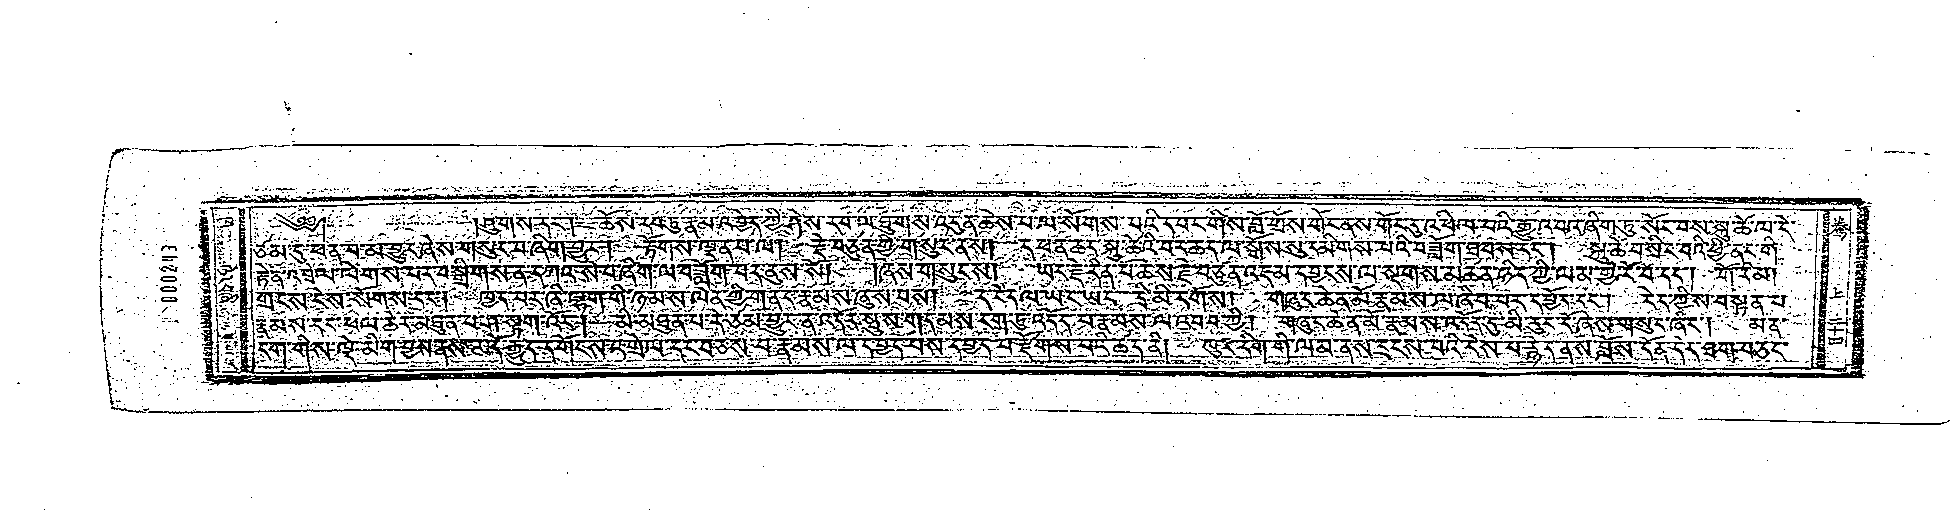༄༅། །ཤུགས་དང་། ཆོས་རབ་ཏུ་རྣམ་འབྱེད་ཀྱི་ཤེས་རབ་ལ་ཐུགས་འདུན་ཆེས་པ་ལ་སོགས་པའི་དབང་གིས་བློ་གྲོས་གོང་ནས་གོང་དུ་འཕེལ་བའི་རྒྱུ་འབའ་ཞིག་ཏུ་སོང་བས་སྐུ་ཚེ་ལ་དེ་
ཙམ་དུ་ཕན་པ་མ་བྱུང་ཞེས་གསུང་བ་ཞིག་བྱུང་། རྟོགས་ལྡན་པ་ལ། རྗེ་བཙུན་གྱི་གསུང་ནས། ད་ཕན་ཆད་སྐུ་ཚེའི་བར་ཆད་ལ་སྒོས་སུ་དམིགས་པའི་བཟློག་ཐབས་དང་། སྐུ་ཚེ་བསྲིང་བའི་ཕྱི་ནང་གི་
རྟེན་འབྲེལ་ལེགས་པར་བསྒྲིགས་ན་དཀའ་སེབ་ཞིག་ལ་བཟློག་པར་ནུས་སོ། །ཞེས་གསུངས། ཡང་རྗེ་རིན་པོ་ཆེས་རྗེ་བཙུན་འཇམ་དབྱངས་ལ་སྔགས་མཚན་ཉིད་ཀྱི་ལམ་གྱི་ངོ་བོ་དང་། གོ་རིམ།
གྲངས་ངེས་སོགས་དང་། ཁྱད་པར་ཞི་ལྷག་གི་ཉམས་ལེན་གྱི་གནད་རྣམས་ཞུས་པས། ད་ངེད་ལ་ཡང་ཡང་དྲི་མི་དགོས། གཞུང་ཆེན་མོ་རྣམས་ལ་ཞིབ་པར་དཔྱོད་དང་། ངེད་ཀྱིས་བསྟན་པ་
རྣམས་དང་ཕལ་ཆེར་མཐུན་པ་ཤ་སྟག་འོང་། མི་མཐུན་པ་རེ་ཙམ་བྱུང་ན་འདོར་སྤུས་གདམས་ངག་ཏུ་འདོད་པ་རྣམས་ལ་འབབ་ཀྱི། གཞུང་ཆེན་མོ་རྣམས་འདོར་དུ་མི་རུང་ངོ་ཞེས་གསུང་ཞིང་། མན་
ངག་གིས་ལྡེ་མིག་བྱས་ནས་མདོ་རྒྱུད་དགོངས་འགྲེལ་དང་བཅས་པ་རྣམས་ལ་དཔྱད་པས་དཔྱད་པ་རྫོགས་པའི་ཚད་ནི། ལུང་རིག་གི་ལམ་ནས་དྲངས་པའི་ངེས་པ་རྙེད་ནས་བློས་དོན་དེར་ཐག་བཅད་